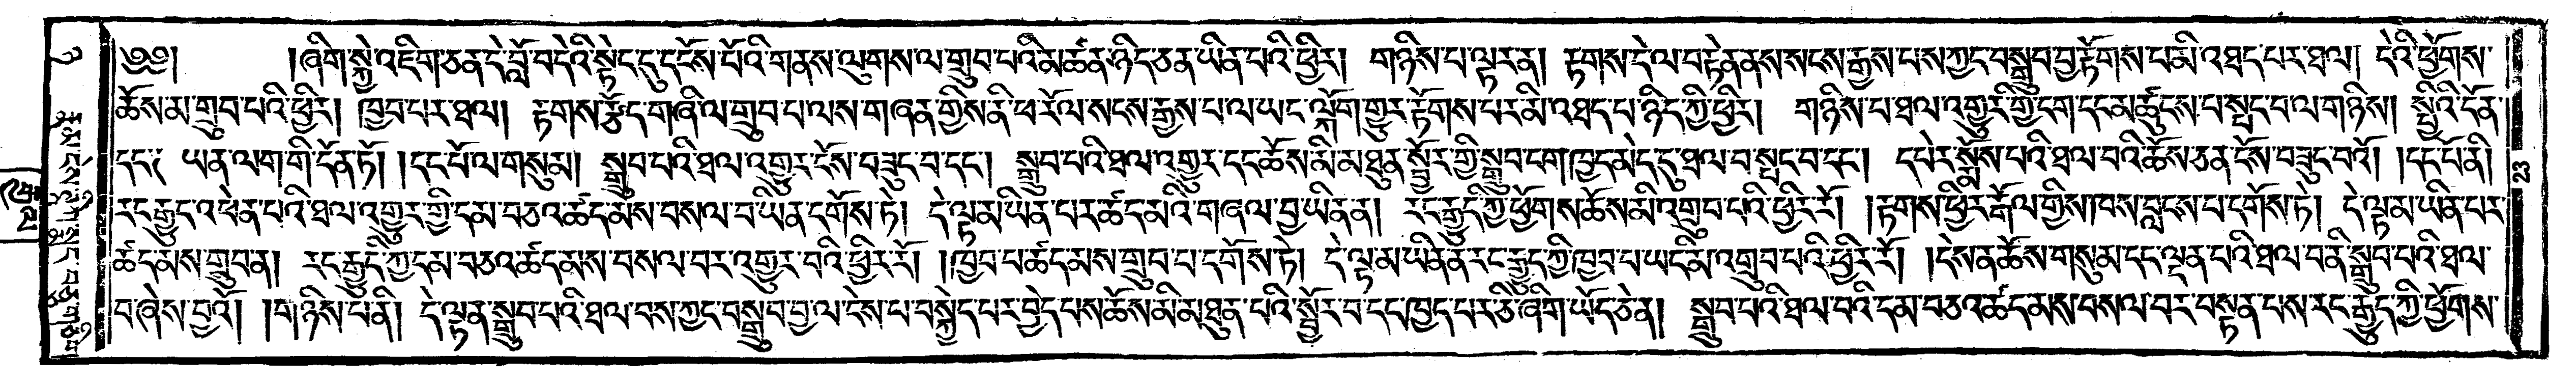༄༅། །ཞིག་སྐྱེ་འཇིག་ཅན་དེ་བློ་བདེའི་སྟེང་དུ་དངོས་པོའི་གནས་ལུགས་ལ་གྲུབ་པའི་མཚན་ཉིད་ཅན་ཡིན་པའི་ཕྱིར། གཉིས་པ་ལྟར་ན། རྟགས་དེ་ལ་བརྟེན་ནས་སངས་རྒྱས་པས་ཀྱང་བསྒྲུབ་བྱ་རྟོགས་པ་མི་འཐད་པར་ཐལ། དེའི་ཕྱོགས་
ཆོས་མ་གྲུབ་པའི་ཕྱིར། ཁྱབ་པར་ཐལ། རྟགས་རྩོད་གཞི་ལ་གྲུབ་པ་ལས་གཞན་གྱིས་ནི་ཕ་རོལ་སངས་རྒྱས་པ་ལ་ཡང་ལྐོག་གྱུར་རྟོགས་པ་མི་འཐད་པ་ཉིད་ཀྱི་ཕྱིར། གཉིས་པ་ཐལ་འགྱུར་གྱི་ངག་དང་མཚུངས་པ་སྤང་བ་ལ་གཉིས། སྤྱིའི་དོན་
དང༑ ཡན་ལག་གི་དོན་ཏོ། །དང་པོ་ལ་གསུམ། སྒྲུབ་པའི་ཐལ་འགྱུར་ངོས་བཟུང་བ་དང་། སྒྲུབ་པའི་ཐལ་འགྱུར་དང་ཆོས་མི་མཐུན་སྦྱོར་གྱི་སྒྲུབ་ངག་ཁྱད་མེད་དུ་ཐལ་བ་སྤང་བ་དང་། དཔེར་སྨོས་པའི་ཐལ་བའི་ཆོས་ཅན་ངོས་བཟུང་བའོ། །དང་པོ་ནི།
རང་རྒྱུད་འཕེན་པའི་ཐལ་འགྱུར་གྱི་དམ་བཅའ་ཚད་མས་བསལ་བ་ཡིན་དགོས་ཏེ། དེ་ལྟ་མ་ཡིན་པར་ཚད་མའི་གཞལ་བྱ་ཡིན་ན། རང་རྒྱུད་ཀྱི་ཕྱོགས་ཆོས་མི་འགྲུབ་པའི་ཕྱིར་རོ། །རྟགས་ཕྱིར་རྒོལ་གྱིས་ཁས་བླངས་པ་དགོས་ཏེ། དེ་ལྟ་མ་ཡིན་པར་
ཚད་མས་གྲུབ་ན། རང་རྒྱུད་ཀྱི་དམ་བཅའ་ཚད་མས་བསལ་བར་འགྱུར་བའི་ཕྱིར་རོ། །ཁྱབ་པ་ཚད་མས་གྲུབ་པ་དགོས་ཏེ། དེ་ལྟ་མ་ཡིན་ན་རང་རྒྱུད་ཀྱི་ཁྱབ་པ་ཡང་མི་འགྲུབ་པའི་ཕྱིར་རོ། །དེས་ན་ཆོས་གསུམ་དང་ལྡན་པའི་ཐལ་བ་ནི་སྒྲུབ་པའི་ཐལ་
བ་ཞེས་བྱའོ། །གཉིས་པ་ནི། དེ་ལྟ་ན་སྒྲུབ་པའི་ཐལ་བས་ཀྱང་བསྒྲུབ་བྱ་ལ་ངེས་པ་བསྐྱེད་པར་བྱེད་པས་ཆོས་མི་མཐུན་པའི་སྦྱོར་བ་དང་ཁྱད་པར་ཅི་ཞིག་ཡོད་ཅེ་ན། སྒྲུབ་པའི་ཐལ་བའི་དམ་བཅའ་ཚད་མས་བསལ་བར་བསྟན་པས་རང་རྒྱུད་ཀྱི་ཕྱོགས་